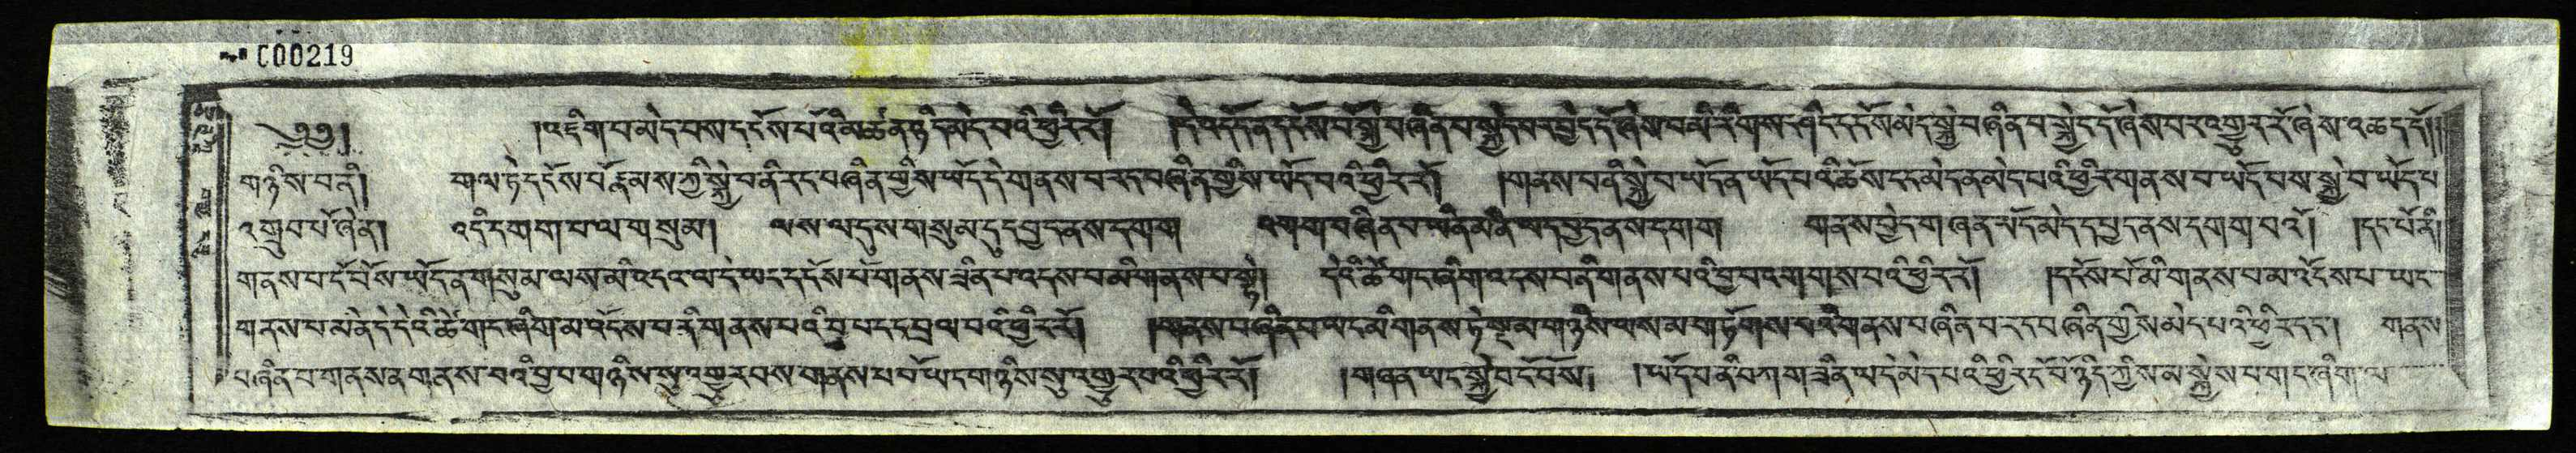༄༅། །འཇིག་པ་མེད་པས་དངོས་པོའི་མཚན་ཉིད་མེད་པའི་ཕྱིར་རོ། །དེ་འདོད་ན་དངོས་པོ་སྐྱེ་བཞིན་པ་སྐྱེད་པར་བྱེད་དོ་ཞེས་པ་མི་རིགས་ཤིང་དངོས་མེད་སྐྱེ་བཞིན་པ་སྐྱེད་དོ་ཞེས་པར་འགྱུར་རོ་ཞེས་འཆད་དོ།།
གཉིས་པ་ནི། གལ་ཏེ་དངོས་པོ་རྣམས་ཀྱི་སྐྱེ་བ་ནི་རང་བཞིན་གྱིས་ཡོད་དེ་གནས་བ་རང་བཞིན་གྱིས་ཡོད་པའི་ཕྱིར་རོ། །གནས་པ་ནི་སྐྱེ་བ་ཡོད་ན་ཡོད་པའི་ཆོས་དང་མེད་ན་མེད་པའི་ཕྱིར་གནས་བ་ཡོད་པས་སྐྱེ་བ་ཡོད་པ་
འགྲུབ་པོ་ཞེ་ན། འདི་དགག་པ་ལ་གསུམ། ལས་ལ་དུས་གསུམ་དུ་དཔྱད་ནས་དགག་འགག་བཞིན་པ་ཡིན་མིན་ལ་དཔྱད་ནས་དགག །གནས་བྱེད་གཞན་ཡོད་མེད་དཔྱད་ནས་དགག་བའོ། །དང་པོ་ནི།
གནས་པ་ངོ་བོས་ཡོད་ན་གསུམ་ལས་མི་འདའ་ལ་དེ་ཡང་དངོས་པོ་གནས་ཟིན་པ་འདས་པ་མི་གནས་པ་སྟེ། དེའི་ཚེ་གང་ཞིག་འདས་པ་ནི་གནས་པའི་བྱ་བ་འགགས་པའི་ཕྱིར་རོ། །དངོས་པོ་མི་གནས་པ་མ་འོངས་པ་ཡང་
གནས་པ་མིན་དེ་དེའི་ཚེ་གང་ཞིག་མ་འོངས་པ་ནི་གནས་པའི་བྱ་བ་དང་བྲལ་བའི་ཕྱིར་རོ། །གནས་བཞིན་བ་ཡང་མི་གནས་ཏེ་སྔ་མ་གཉིས་ལས་མ་གཏོགས་པའི་གནས་བཞིན་པ་རང་བཞིན་གྱིས་མེད་པའི་ཕྱིར་དང་། གནས་
བཞིན་པ་གནས་ན་གནས་པའི་བྱ་བ་གཉིས་སུ་འགྱུར་བས་གནས་པ་པོ་ཡང་གཉིས་སུ་འགྱུར་བའི་ཕྱིར་རོ། །གཞན་ཡང་སྐྱེ་བ་ངོ་བོས། །ཡོད་པ་ནི་བཀག་ཟིན་ལ་དེ་མེད་པའི་ཕྱིར་ངོ་བོ་ཉིད་ཀྱིས་མ་སྐྱེས་པ་གང་ཞིག་ལ་